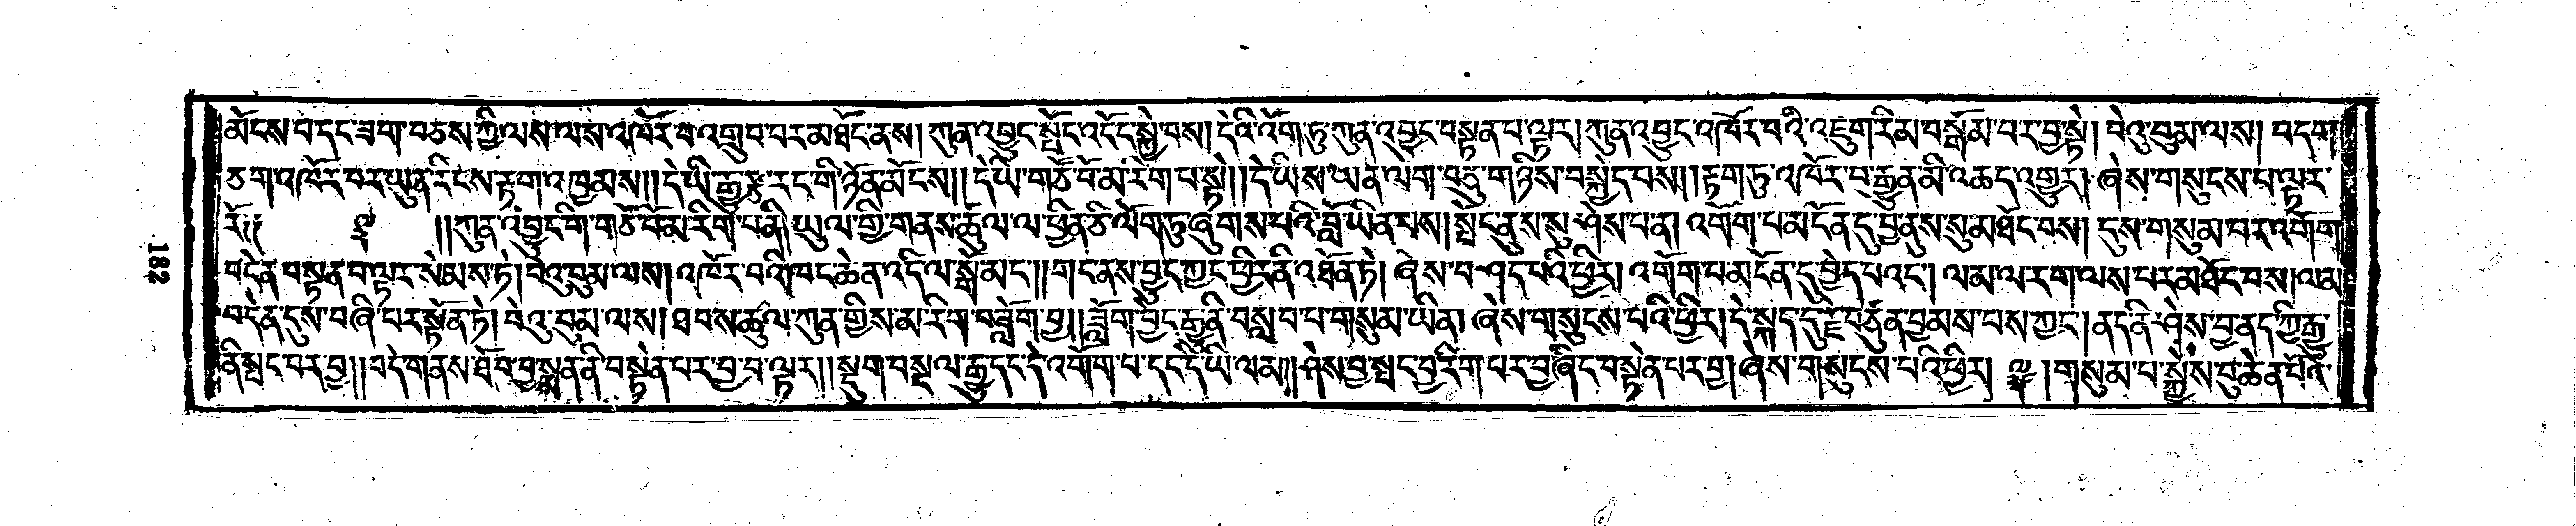མོངས་པ་དང་ཟག་བཅས་ཀྱི་ལས་ལས་འཁོར་བ་འགྲུབ་པར་མཐོང་ནས། ཀུན་འབྱུང་སྤོང་འདོད་སྐྱེ་བས། དེའི་འོག་ཏུ་ཀུན་འབྱུང་བསྟན་པ་ལྟར། ཀུན་འབྱུང་འཁོར་བའི་འཇུག་རིམ་བསྒོམ་པར་བྱ་སྟེ། བེའུ་བུམ་ལས། བདག་
ཅག་འཁོར་བར་ཡུན་རིངས་རྟག་འཁྱམས། །དེ་ཡི་རྒྱུ་རྩ་རང་གི་ཉོན་མོངས། །དེ་ཡི་གཙོ་བོ་མ་རིག་པ་སྟེ། །དེ་ཡིས་ཡན་ལག་བཅུ་གཉིས་བསྐྱེད་པས། །རྟག་ཏུ་འཁོར་བ་རྒྱུན་མི་འཆད་འགྱུར། ཞེས་གསུངས་པ་ལྟར་
རོ༑༑ ༈ །།ཀུན་འབྱུང་གི་གཙོ་བོ་མ་རིག་པ་ནི། ཡུལ་གྱི་གནས་ཚུལ་ལ་ཕྱིན་ཅི་ལོག་ཏུ་ཞུགས་པའི་བློ་ཡིན་པས། སྤོང་ནུས་སུ་ཤེས་པ་ན། འགོག་པ་མངོན་དུ་བྱ་ནུས་སུ་མཐོང་བས། དུས་གསུམ་པར་འགོག་
བདེན་བསྟན་པ་ལྟར་སེམས་ཏེ། བེའུ་བུམ་ལས། འཁོར་བའི་ཁང་ཆེན་འདི་ལ་སྒོ་མང་། །གང་ནས་བྱུང་ཀྱང་ཕྱིར་ནི་འཐོན་ཏེ། ཞེས་བཤད་པའི་ཕྱིར། འགོག་པ་མངོན་དུ་བྱེད་པའང་། ལམ་ལ་རག་ལས་པར་མཐོང་བས། ལམ་
བདེན་དུས་བཞི་པར་སྟོན་ཏེ། བེའུ་བུམ་ལས། ཐབས་ཚུལ་ཀུན་གྱིས་མ་རིག་བཟློག་བྱ། །ཟློག་བྱེད་རྒྱུ་ནི་བསླབ་པ་གསུམ་ཡིན། ཞེས་གསུངས་པའི་ཕྱིར། དེ་སྐད་དུ་རྗེ་བཙུན་བྱམས་པས་ཀྱང་། ནད་ནི་ཤེས་བྱ་ནད་ཀྱི་རྒྱུ་
ནི་སྤང་བར་བྱ། །བདེ་གནས་ཐོབ་བྱ་སྨན་ནི་བསྟེན་པར་བྱ་བ་ལྟར། །སྡུག་བསྔལ་རྒྱུ་དང་དེ་འགོག་པ་དང་དེ་ཡི་ལམ། །ཤེས་བྱ་སྤང་བྱ་རིག་པར་བྱ་ཞིང་བསྟེན་པར་བྱ། ཞེས་གསུངས་པའི་ཕྱིར། ༈ །གསུམ་པ་སྐྱེས་བུ་ཆེན་པོའི་